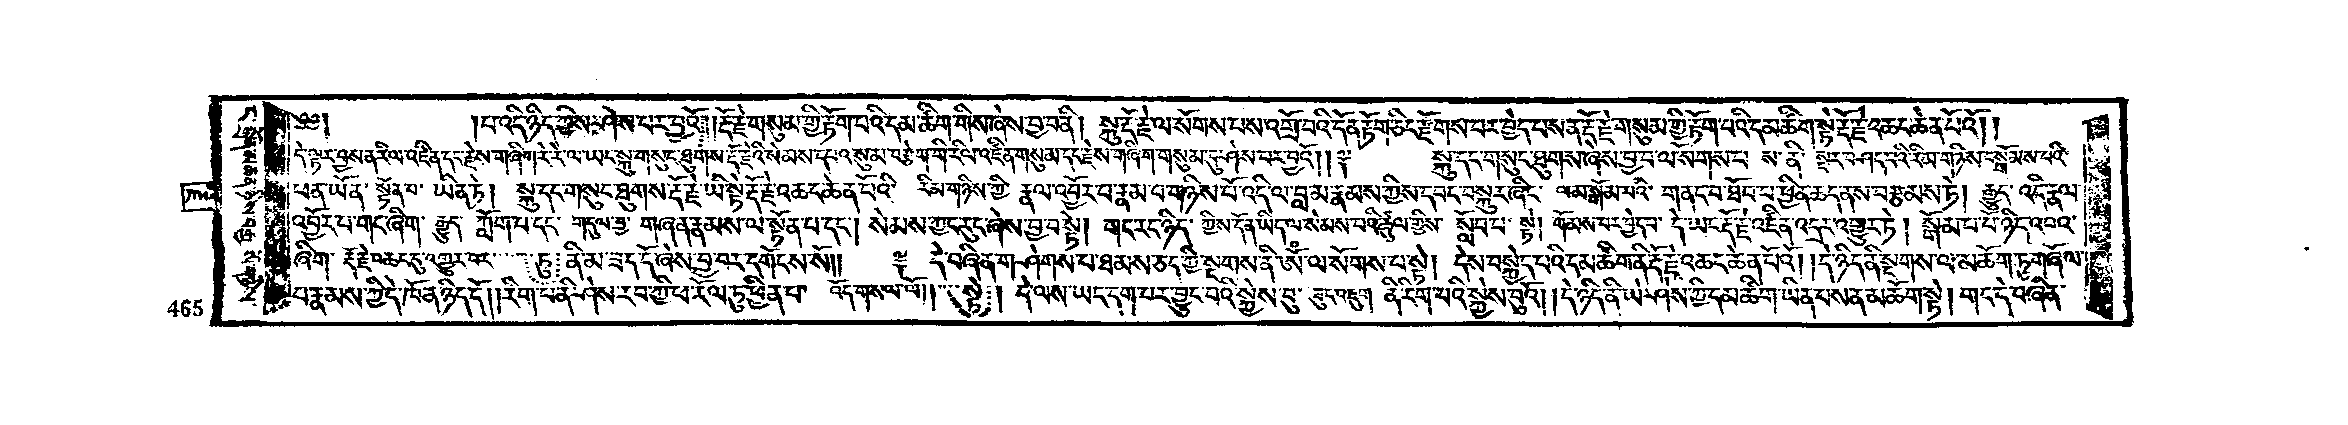༄༅། །པ་འདི་ཉིད་ཀྱིས་ཤེས་པར་བྱའོ། །རྡོ་རྗེ་གསུམ་གྱི་རྟོག་པའི་དམ་ཚིག་གིས་ཞེས་བྱ་བ་ནི། སྐུ་རྡོ་རྗེ་ལ་སོགས་པས་འགྲོ་བའི་དོན་རྟོག་ཅིང་རྫོགས་པར་བྱེད་པས་ན་རྡོ་རྗེ་གསུམ་གྱི་རྟོག་པའི་དམ་ཚིག་སྟེ་རྡོ་རྗེ་འཆང་ཆེན་པོའོ།།
དེ་ལྟར་བྱས་ན་རིལ་འཛིན་དང་རྗེས་གཞིག་རེ་རེ་ལ་ཡང་སྐུ་གསུང་ཐུགས་རྡོ་རྗེའི་སེམས་དཔའ་སུམ་བརྩེག་གི་རིལ་འཛིན་གསུམ་དང་རྗེས་གཞིག་གསུམ་དུ་ཤེས་པར་བྱའོ།།༈ སྐུ་དང་གསུང་ཐུགས་ཞེས་བྱ་བ་ལ་སོགས་པས་ནི་སྔར་བཤད་པའི་རིམ་གཉིས་བསྒོམས་པའི
ཕན་ཡོན་སྟོན་པ་ཡིན་ཏེ། སྐུ་དང་གསུང་ཐུགས་རྡོ་རྗེ་ཡི་སྟེ་རྡོ་རྗེ་འཆང་ཆེན་པོའི་རིམ་གཉིས་ཀྱི་རྣལ་འབྱོར་པ་རྣམ་པ་གཉིས་པོ་འདི་ལ་བླ་མ་རྣམས་ཀྱིས་དབང་བསྐུར་ཞིང་ལམ་སྒོམ་པའི་གནང་བ་ཐོབ་པ་ཕྱིན་ཆད་ནས་བརྩམས་ཏེ། རྒྱུད་འདི་རྣལ་
འབྱོར་པ་གང་ཞིག་རྒྱུད་ཀློག་པ་དང་གདུལ་བྱ་གཞན་རྣམས་ལ་སྟོན་པ་དང་། སེམས་ཀྱང་རུང་ཞེས་བྱ་བ་སྟེ། གང་རང་ཉིད་ཀྱིས་དོན་ཡིད་ལ་སེམས་པའི་ཚུལ་གྱིས་སློབ་པ་སྟེ། གོམས་པར་བྱེད་པ་དེ་ཡང་རྡོ་རྗེ་འཛིན་འདྲར་འགྱུར་ཏེ། སྒོམ་པ་པོ་ཉིད་འབའ་
ཞིག་རྡོ་རྗེ་འཆང་དུ་འགྱུར་བར་ཏུ་ནི་མ་ཟད་དོ་ཞེས་བྱ་བར་དགོངས་སོ།། ༈ དེ་བཞིན་གཤེགས་པ་ཐམས་ཅད་ཀྱི་སྔགས་ནི་ཨོཾ་ལ་སོགས་པ་སྟེ། དེས་བསྐྱེད་པའི་དམ་ཚིག་ནི་རྡོ་རྗེ་འཆང་ཆེན་པོའོ། །དེ་ཉིད་ནི་སྔགས་ལ་མཆོག་ཏུ་གཞོལ་
པ་རྣམས་ཀྱི་དེ་ཁོ་ན་ཉིད་དོ། །རིག་པ་ནི་ཤེས་རབ་ཀྱི་ཕ་རོལ་ཏུ་ཕྱིན་པ་འོད་གསལ་ལོ། །སྟེ། དེ་ལས་ཡང་དག་པར་བྱུང་བའི་སྐྱེས་བུ་ཟུང་འཇུག་ནི་རིག་པའི་སྐྱེས་བུའོ། །དེ་ཉིད་ནི་ཡེ་ཤེས་ཀྱི་དམ་ཚིག་ཡིན་པས་ན་མཆོག་སྟེ། གང་དེ་བཞིན་